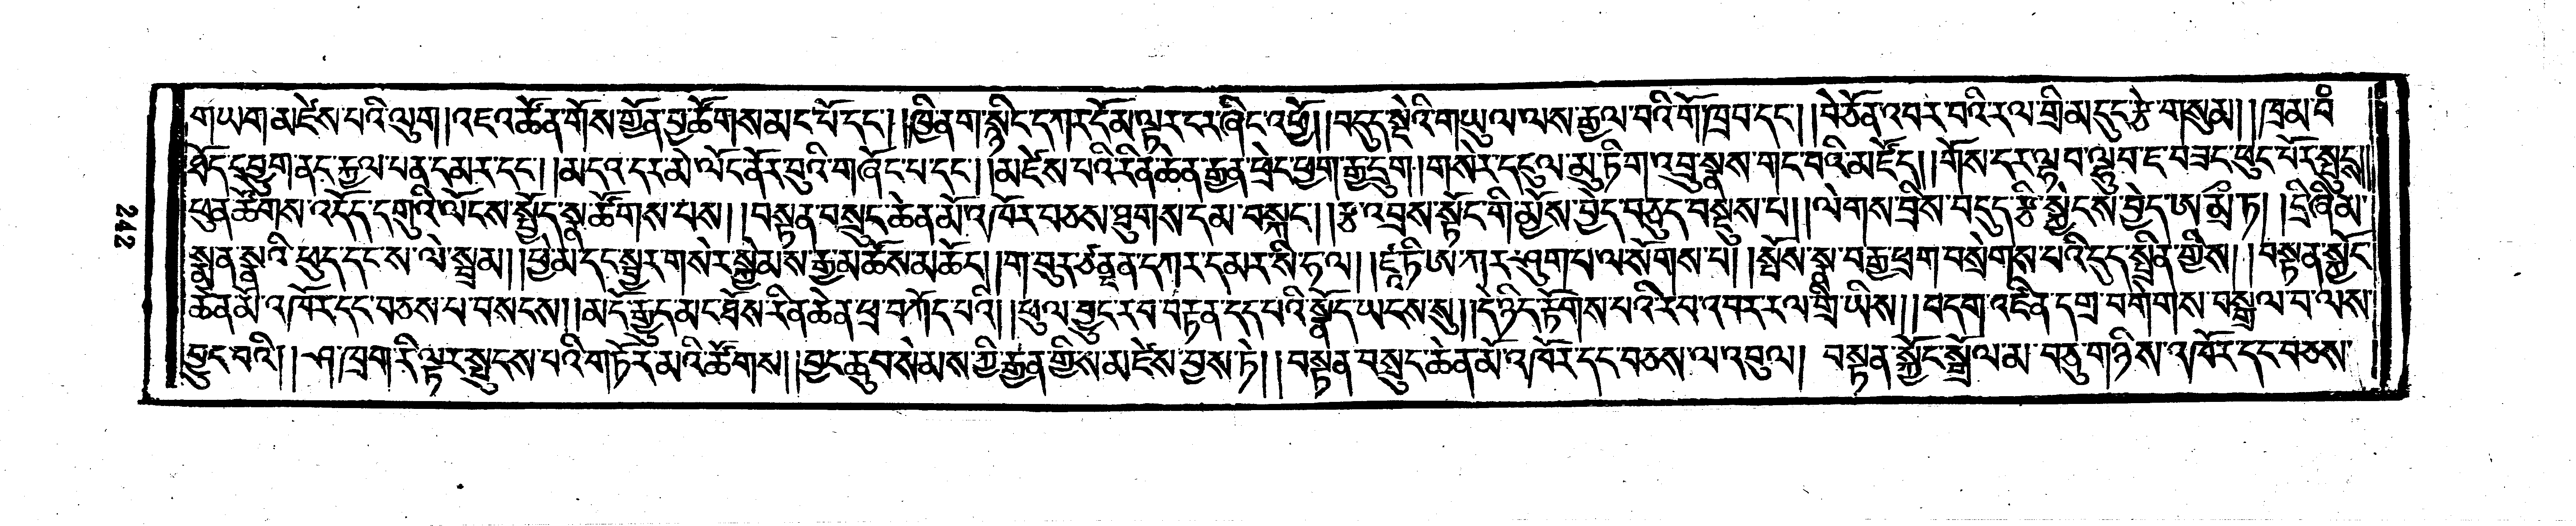གཡག་མཛེས་པའི་ལུག །འཇའ་ཚོན་གོས་གྱོན་བྱ་ཚོགས་མང་པོ་དང་། །ཁྱི་ནག་སྙིང་དཀར་དོམ་ལྟར་ངར་ཞིང་འཕྱོ། །བདུད་སྡེའི་གཡུལ་ལས་རྒྱལ་བའི་གོ་ཁྲབ་དང་། །བེ་ཅོན་འབར་བའི་རལ་གྲི་མདུང་རྩེ་གསུམ། །ཁྲམ་བཾ་
ཐོད་དབྱུག་ནད་རྐྱལ་བན་དམར་དང་། །མདའ་དར་མེ་ལོང་ནོར་བུའི་གཞོང་པ་དང་། །མཛེས་པའི་རིན་ཆེན་རྒྱན་ཕྲེང་ཕྱག་རྒྱ་དྲུག །གསེར་དངུལ་མུ་ཏིག་འབྲུ་སྣས་གང་བའི་མཛོད། །གོས་དར་ལྷབ་ལྷུབ་ཇ་བཟང་ཕུང་པོར་སྲུངས།
ཕུན་ཚོགས་འདོད་དགུའི་ལོངས་སྤྱོད་སྣ་ཚོགས་པས། །བསྟན་བསྲུང་ཆེན་མོ་འཁོར་བཅས་ཐུགས་དམ་བསྐང་། །རྩ་འབྲས་སྟོང་གི་མྱོས་བྱེད་བཅུད་བསྡུས་པ། །ལེགས་བྲིས་བདུད་རྩི་སྐྱེངས་བྱེད་ཨ་མྲྀ་ཏ། །དྲི་ཞིམ་
སྨན་སྣའི་ཕུང་དང་ས་ལེ་སྤྲམ། །ཕྱེ་མ་དང་སྦྱར་གསེར་སྐྱེམས་རྒྱ་མཚོས་མཆོད། །ག་བུར་ཙནྡན་དཀར་དམར་སི་ཧ་ལ། །ཛཱ་ཏི་ཨ་ཀར་ཤུག་པ་ལ་སོགས་པ། །སྤོས་སྣ་བརྒྱ་ཕྲག་བསྲེགས་པའི་དུད་སྤྲིན་གྱིས། །བསྟན་སྐྱོང་
ཆེན་མོ་འཁོར་དང་བཅས་པ་བསངས། །མདོ་རྒྱུད་མང་ཐོས་རིན་ཆེན་ཕྲ་བཀོད་པའི། །ཕུལ་བྱུང་རབ་བརྟན་དད་པའི་སྣོད་ཡངས་སུ། །དེ་ཉིད་རྟོགས་པའི་རབ་འབར་རལ་གྲི་ཡིས། །བདག་འཛིན་དགྲ་བགེགས་བསྒྲལ་བ་ལས་
བྱུང་བའི། །ཤ་ཁྲག་རི་ལྟར་སྤུངས་པའི་གཏོར་མའི་ཚོགས། །བྱང་ཆུབ་སེམས་ཀྱི་རྒྱན་གྱིས་མཛེས་བྱས་ཏེ། །བསྟན་བསྲུང་ཆེན་མོ་འཁོར་དང་བཅས་ལ་འབུལ། །བསྟན་སྐྱོང་སྒྲོལ་མ་བཅུ་གཉིས་འཁོར་དང་བཅས་